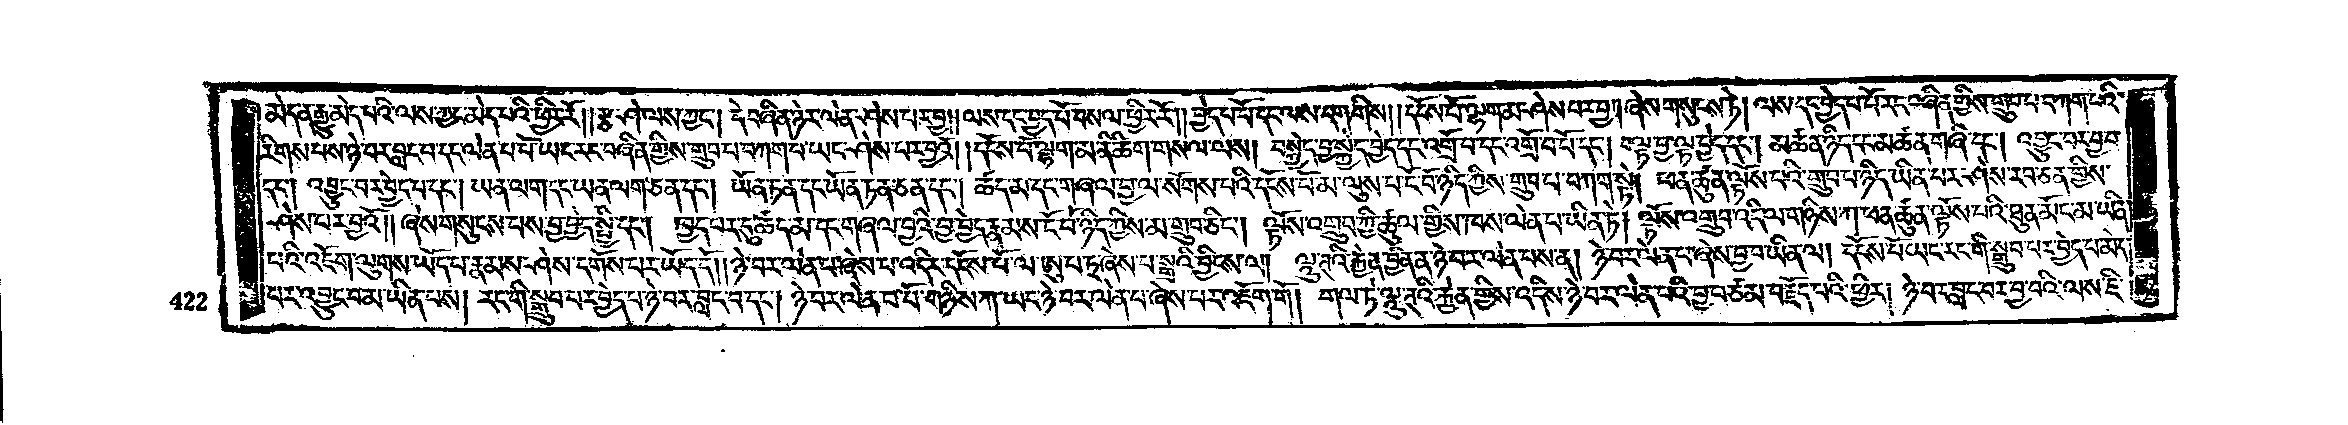མེད་ན་རྒྱུ་མེད་པའི་ལས་ཀྱང་མེད་པའི་ཕྱིར་རོ། །རྩ་ཤེ་ལས་ཀྱང་། དེ་བཞིན་ཉེར་ལེན་ཤེས་པར་བྱ། །ལས་དང་བྱེད་པོ་བསལ་ཕྱིར་རོ། །བྱེད་པ་པོ་དང་ལས་དག་གིས། །དངོས་པོ་ལྷག་མ་ཤེས་པར་བྱ། །ཞེས་གསུངས་ཏེ། ལས་དང་བྱེད་པ་པོ་རང་བཞིན་གྱིས་གྲུབ་པ་བཀག་པའི་
རིགས་པས་ཉེ་བར་བླང་བ་དང་ལེན་པ་པོ་ཡང་རང་བཞིན་གྱིས་གྲུབ་པ་བཀག་པ་ཡང་ཤེས་པར་བྱའོ། །དངོས་པོ་ལྷག་མ་ནི་ཚིག་གསལ་ལས། བསྐྱེད་བྱ་སྐྱེད་བྱེད་དང་འགྲོ་བ་དང་འགྲོ་བ་པོ་དང་། བལྟ་བྱ་ལྟ་བྱེད་དང་། མཚན་ཉིད་དང་མཚན་གཞི་དང་། འབྱུང་བར་བྱ་བ་
དང་། འབྱུང་བར་བྱེད་པ་དང་། ཡན་ལག་དང་ཡན་ལག་ཅན་དང་། ཡོན་ཏན་དང་ཡོན་ཏན་ཅན་དང་། ཚད་མ་དང་གཞལ་བྱ་ལ་སོགས་པའི་དངོས་པོ་མ་ལུས་པ་ངོ་བོ་ཉིད་ཀྱིས་གྲུབ་པ་བཀག་སྟེ། ཕན་ཚུན་ལྟོས་པའི་གྲུབ་པ་ཉིད་ཡིན་པར་ཤེས་རབ་ཅན་གྱིས་
ཤེས་པར་བྱའོ། །ཞེས་གསུངས་པས་བྱ་བྱེད་སྤྱི་དང་། ཁྱད་པར་དུ་ཚད་མ་དང་གཞལ་བྱའི་བྱ་བྱེད་རྣམས་ངོ་བོ་ཉིད་ཀྱིས་མ་གྲུབ་ཅིང་། ལྟོས་འགྲུབ་ཀྱི་ཚུལ་གྱིས་ཁས་ལེན་པ་ཡིན་ཏེ། ལྟོས་འགྲུབ་འདི་ལ་གཉིས་ཀ་ཕན་ཚུན་ལྟོས་པའི་ཐུན་མོང་མ་ཡིན་
པའི་འཇོག་ལུགས་ཡོད་པ་རྣམས་ཤེས་དགོས་པར་ཡོད་དོ། །ཉེ་བར་ལེན་པ་ཞེས་པ་འདིར་དངོས་པོ་ལ་ཨུ་པ་ཏྲ་ཞེས་པ་སྒྲའི་བྱིངས་ལ། ལཱུ་ཊའི་རྐྱེན་བྱིན་ན་ཉེ་བར་ལེན་པས་ན། ཉེ་བར་ལེན་པ་ཞེས་བྱ་བ་ཡིན་ལ། དངོས་པོ་ཡང་རང་གི་སྒྲུབ་པར་བྱེད་པ་མེད་
པར་འབྱུང་བ་མ་ཡིན་པས། རང་གི་སྒྲུབ་པར་བྱེད་པ་ཉེ་བར་བླང་བ་དང་། ཉེ་བར་ལེན་པ་པོ་གཉིས་ཀ་ཡང་ཉེ་བར་ལེན་པ་ཞེས་པར་འཇོག་གོ །གལ་ཏེ་ལཱུ་ཊའི་རྐྱེན་གྱིས་འདིས་ཉེ་བར་ལེན་པའི་བྱ་བ་ཙམ་བརྗོད་པའི་ཕྱིར། ཉེ་བར་བླང་བར་བྱ་བའི་ལས་ཇི་